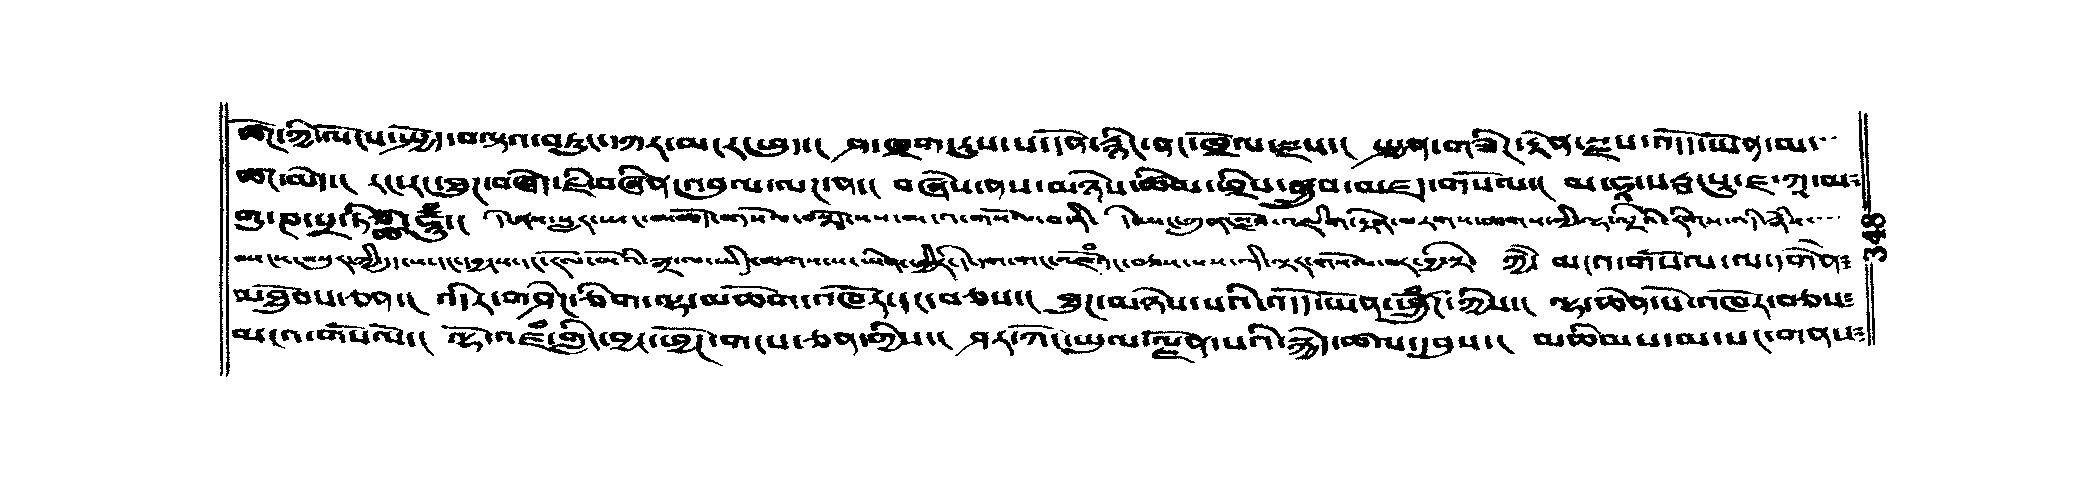ཚོགས་ཀྱི་ལོངས་སྤྱོད་བཟའ་བཏུང་དཀར་དམར་ཕུད། །ཤ་ཁྲག་རུས་པ་དོན་སྙིང་ནང་ཁྲོལ་རྫས། །སྤྱན་གཟིགས་རྟེན་རྫས་འདོད་ཡོན་མ་
ཚང་མེད། །རང་རང་ཐུགས་བཞེད་ཇི་བཞིན་འབུལ་ལགས་ན། །བཞེས་ནས་མཉེས་ཚིམ་ཕྲིན་ལས་སྒྲུབ་མཛད་གསོལ། །མ་ཧཱ་སརྦ་པུ་ཛ་ཀཱ་མ་
གུ་ཎ་པྲ་ཏི་ཙྪ་ཧཱུྂ། དེ་ནས་སླར་ཡང་མཆོད་གསོལ་བསྟོད་པས་མངའ་གསོལ་བ་ནི། དེ་ཡང་ཀུན་རྫོབ་འཇིག་རྟེན་བཏགས་ཆགས་ཀྱི་ལྷ་འདྲའི་རིགས་འདི་རྣམས་
བསངས་བསུར་གྱི་དང་དབྱངས་དང་རོལ་མོའི་སྒྲ་ལ་ཡིད་ཆགས་པ་ཡིན་པྱིར་དེ་དག་གང་འཛོམས་དང་བཅས་པས་འདི་ལྟར་གསོལ་བར་བྱ་སྟེ། ཀྱཻ། མངའ་གསོལ་ལ་མགོན་པོ་
མཐུ་སྟོབས་ཅན། །འདིར་གཤེགས་ཤིག་ལྷ་མཆོག་འཁོར་དང་བཅས། །ཤར་ཀོང་ཡུལ་ལྗོན་པའི་སྐྱེད་ཚལ་དབུས། །མཆིམས་མ་སང་གནས་